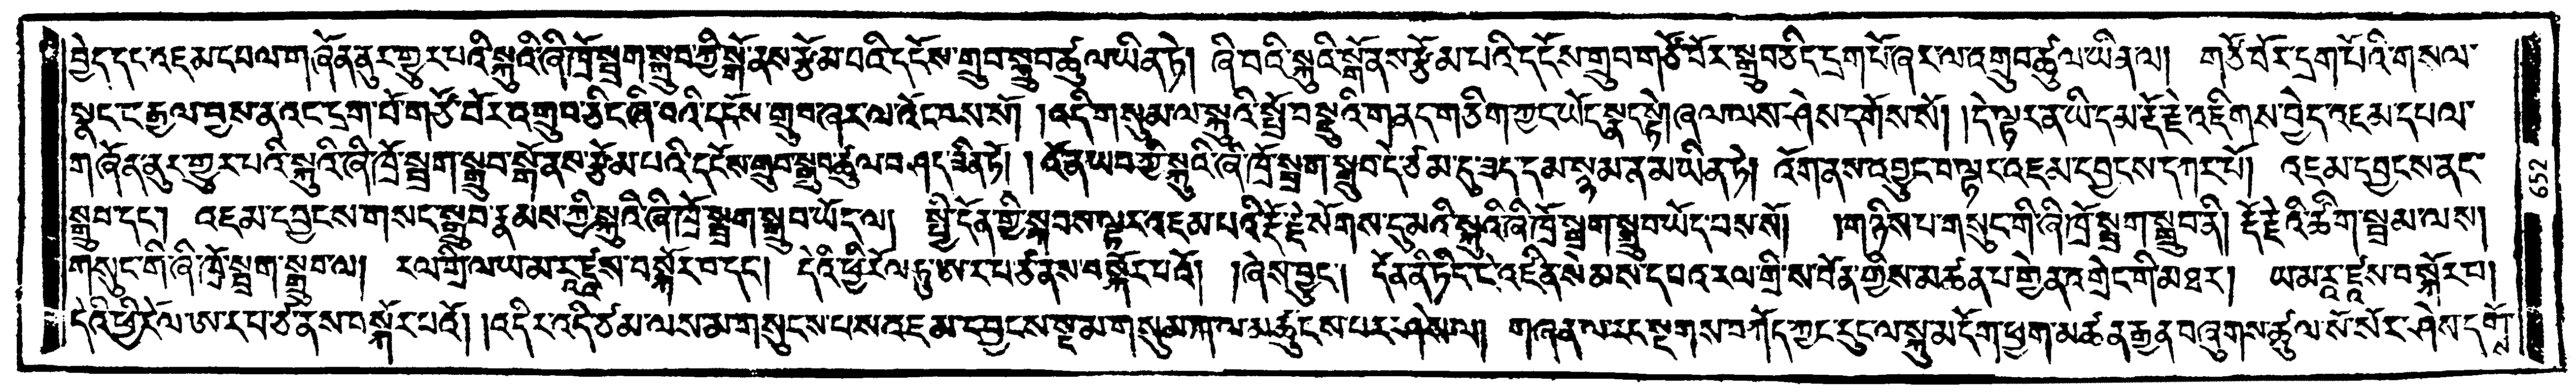བྱེད་དང་འཇམ་དཔལ་གཞོན་ནུར་གྱུར་པའི་སྐུའི་ཞི་ཁྲོ་སྦྲག་སྒྲུབ་ཀྱི་སྒོ་ནས་རྩོམ་པའི་དངོས་གྲུབ་སྒྲུབ་ཚུལ་ཡིན་ཏེ། ཞི་བའི་སྐུའི་སྒོ་ནས་རྩོམ་པའི་དངོས་གྲུབ་གཙོ་བོར་སྒྲུབ་ཅིང་དྲག་པོ་ཞར་ལ་འགྲུབ་ཚུལ་ཡིན་ལ། གཙོ་བོར་དྲག་པོའི་གསལ་
སྣང་ང་རྒྱལ་བྱས་ནའང་དྲག་པོ་གཙོ་བོར་འགྲུབ་ཅིང་ཞི་བའི་དངོས་གྲུབ་ཞར་ལ་འོང་བས་སོ། །འདི་གསུམ་ལ་སྐུའི་སྤྲོ་བསྡུའི་གནད་གཅིག་ཀྱང་ཡོད་སྣང་སྟེ། ཞལ་ལས་ཤེས་དགོས་སོ། །དེ་ལྟར་ན་ཡི་དམ་རྡོ་རྗེ་འཇིགས་བྱེད་འཇམ་དཔལ་
གཞོན་ནུར་གྱུར་པའི་སྐུའི་ཞི་ཁྲོ་སྦྲག་སྒྲུབ་སྒོ་ནས་རྩོམ་པའི་དངོས་གྲུབ་སྒྲུབ་ཚུལ་བཤད་ཟིན་ཏོ། །འོ་ན་ཡབ་ཀྱི་སྐུའི་ཞི་ཁྲོ་སྦྲག་སྒྲུབ་དེ་ཙམ་དུ་ཟད་དམ་སྙམ་ན་མ་ཡིན་ཏེ། འོག་ནས་འབྱུང་བ་ལྟར་འཇམ་དབྱངས་དཀར་པོ། འཇམ་དབྱངས་ནང་
སྒྲུབ་དང་། འཇམ་དབྱངས་གསང་སྒྲུབ་རྣམས་ཀྱི་སྐུའི་ཞི་ཁྲོ་སྦྲག་སྒྲུབ་ཡོད་ལ། སྤྱི་དོན་གྱི་སྐབས་ལྟར་འཇམ་པའི་རྡོ་རྗེ་སོགས་དུ་མའི་སྐུའི་ཞི་ཁྲོ་སྦྲག་སྒྲུབ་ཡོད་པས་སོ། །གཉིས་པ་གསུང་གི་ཞི་ཁྲོ་སྦྲག་སྒྲུབ་ནི། རྡོ་རྗེའི་ཚིག་སྦྲམ་ལས།
གསུང་གི་ཞི་ཁྲོ་སྦྲག་སྒྲུབ་ལ། རལ་གྲི་ལ་ཡ་མ་རཱ་ཛཱས་བསྐོར་བ་དང་། དེའི་ཕྱི་རོལ་ཏུ་ཨ་ར་པ་ཙ་ནས་བསྐོར་བའོ། །ཞེས་བྱུང་། དོན་ནི་ཏིང་ངེ་འཛིན་སེམས་དཔའ་རལ་གྲི་ས་བོན་གྱིས་མཚན་པ་གྱེན་འགྲེང་གི་མཐར། ཡ་མ་རཱ་ཛཱས་བསྐོར་པ།
དེའི་ཕྱི་རོལ་ཨ་ར་པ་ཙ་ནས་བསྐོར་པའོ། །འདིར་འདི་ཙམ་ལས་མ་གསུངས་པས་འཇམ་དབྱངས་སྔ་མ་གསུམ་ཀ་ལ་མཚུངས་པར་ཤེས་ལ། གཞན་ལ་རང་སྔགས་བཀོད་ཀྱང་རུང་ལ་སྐུ་མདོག་ཕྱག་མཚན་རྒྱན་བཞུགས་ཚུལ་སོ་སོར་ཤེས་དགོས་